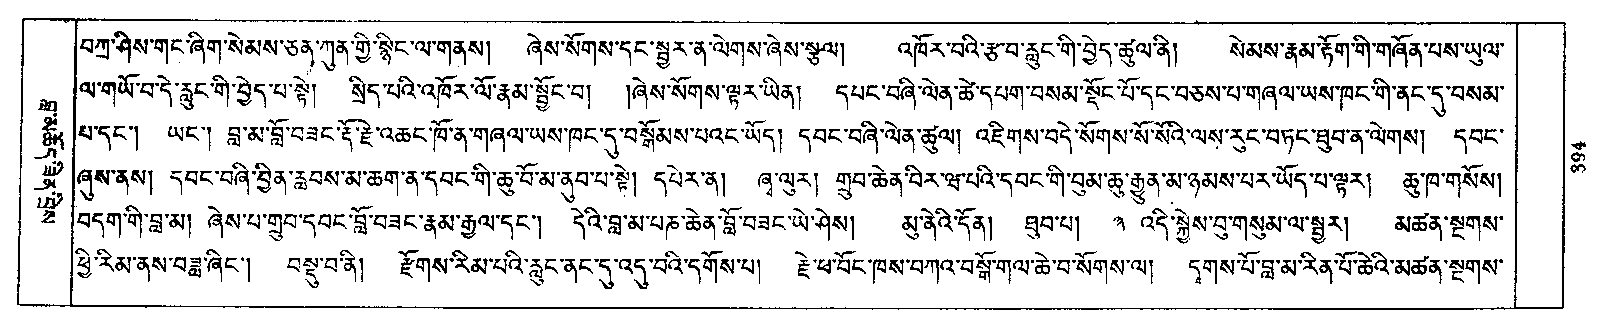བཀྲ་ཤིས་གང་ཞིག་སེམས་ཅན་ཀུན་གྱི་སྙིང་ལ་གནས། ཞེས་སོགས་དང་སྦྱར་ན་ལེགས་ཞེས་སྩལ། འཁོར་བའི་རྩ་བ་རླུང་གི་བྱེད་ཚུལ་ནི། སེམས་རྣམ་རྟོག་གི་གཞོན་པས་ཡུལ་
ལ་གཡོ་བ་དེ་རླུང་གི་བྱེད་པ་སྟེ། སྲིད་པའི་འཁོར་ལོ་རྣམ་སྦྱོང་བ། །ཞེས་སོགས་ལྟར་ཡིན། དཔང་བཞི་ལེན་ཚེ་དཔག་བསམ་སྡོང་པོ་དང་བཅས་པ་གཞལ་ཡས་ཁང་གི་ནང་དུ་བསམ་
པ་དང་། ཡང་། བླ་མ་བློ་བཟང་རྡོ་རྗེ་འཆང་ཁོ་ན་གཞལ་ཡས་ཁང་དུ་བསྒོམས་པའང་ཡོད། དབང་བཞི་ལེན་ཚུལ། འཇིགས་བདེ་སོགས་སོ་སོའི་ལས་རུང་བཏང་ཐུབ་ན་ལེགས། དབང་
ཞུས་ནས། དབང་བཞི་བྱིན་རླབས་མ་ཆག་ན་དབང་གི་ཆུ་བོ་མ་ནུབ་པ་སྟེ། དཔེར་ན། ཞྭ་ལུར། གྲུབ་ཆེན་བིར་ཝ་པའི་དབང་གི་བུམ་ཆུ་རྒྱུན་མ་ཉམས་པར་ཡོད་པ་ལྟར། ཆུ་ཁ་གསོས།
བདག་གི་བླ་མ། ཞེས་པ་གྲུབ་དབང་བློ་བཟང་རྣམ་རྒྱལ་དང་། དེའི་བླ་མ་པཎ་ཆེན་བློ་བཟང་ཡེ་ཤེས། མུ་ནེའི་དོན། ཐུབ་པ། ༣་འདི་སྐྱེས་བུ་གསུམ་ལ་སྦྱར། མཚན་སྔགས་
ཕྱི་རིམ་ནས་བཟླ་ཞིང་། བསྡུ་བ་ནི། རྫོགས་རིམ་པའི་རླུང་ནང་དུ་འདུ་བའི་དགོས་པ། རྗེ་ཕ་བོང་ཁས་བཀའ་བསྒོ་གལ་ཆེ་བ་སོགས་ལ། དྭགས་པོ་བླ་མ་རིན་པོ་ཆེའི་མཚན་སྔགས་